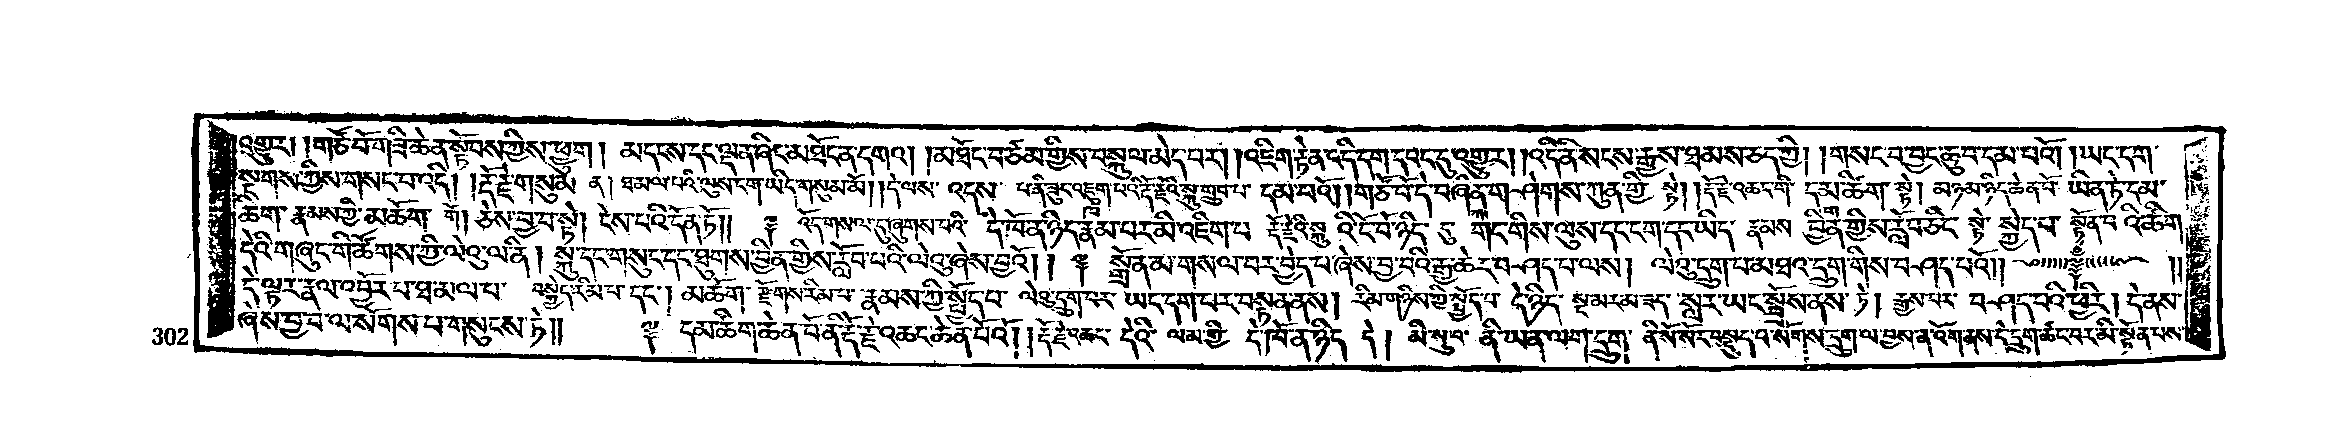འགྱུར། །གཙོ་བོ་གཟི་ཆེན་སྟོབས་ཀྱིས་ཕྱུག །མདངས་དང་ལྡན་ཞིང་མཐོང་ན་དགའོ། །མཐོང་བ་ཙམ་གྱིས་བསྐུལ་མེད་པར། །འཇིག་རྟེན་འདི་དག་དབང་དུ་འགྱུར། །འདི་ནི་སངས་རྒྱས་ཐམས་ཅད་ཀྱི། །གསང་བ་བྱང་ཆུབ་དམ་པའོ། །ཡང་དག་
སྔགས་ཀྱིས་གསང་བ་འདི། །རྡོ་རྗེ་གསུམ་ན། ཐ་མལ་པའི་ལུས་ངག་ཡིད་གསུམ་མོ། །དེ་ལས་འདས་པ་ནི་ཟུང་འཇུག་པའི་རྡོ་རྗེའི་སྐུ་གྲུབ་པ་དམ་པའོ། །གཙོ་བོ་དེ་བཞིན་གཤེགས་ཀུན་གྱི་སྟེ། །རྡོ་རྗེ་འཚང་གི་དམ་ཚིག་སྟེ། མཉམ་ཉིད་ཆེན་པོ་ཡིན་ཏེ་དམ་
ཚིག་རྣམས་ཀྱི་མཆོག་གོ། ཅེས་བྱ་བ་སྟེ། ངེས་པའི་དོན་ཏོ།། ༈ འོད་གསལ་དུ་ཞུགས་པའི་དེ་ཁོ་ན་ཉིད་ཁ་རྣམ་པར་མི་འཇིག་པ་རྡོ་རྗེའི་སྐུའི་ངོ་བོ་ཉིད་དུ་ཀ་གང་གིས་ལུས་དང་ངག་དང་ཡིད་རྣམས་ག་བྱིན་གྱིས་རློབ་ཅིང་སྟེ་སྐྱེད་པ་སྟོན་པའི་ཚིག་
དེའི་གཞུང་གི་ཚོགས་ཀྱི་ལེའུ་ལ་ནི། སྐུ་དང་གསུང་དང་ཐུགས་བྱིན་གྱིས་རློབ་པའི་ལེའུ་ཞེས་བྱའོ། ། ༈ སྒྲོན་མ་གསལ་བར་བྱེད་པ་ཞེས་བྱ་བའི་རྒྱ་ཆེར་བཤད་པ་ལས། ལེའུ་དྲུག་པ་མཐའ་དྲུག་གིས་བཤད་པའོ།། ༈ །།
དེ་ལྟར་རྣལ་འབྱོར་པ་ཐ་མལ་པ་བསྐྱེད་རིམ་པ་དང་།  མཆོག་རྫོགས་རིམ་པ་རྣམས་ཀྱི་སྤྱོད་པ་ལེའུ་དྲུག་པར་ཡང་དག་པར་བསྟན་ནས། རིམ་གཉིས་ཀྱི་སྤྱོད་པ་དེ་ཉིད་སྔ་མར་མ་ཟད་སླར་ཡང་སྤྲོས་ནས་ཏེ། རྒྱས་པར་བཤད་པའི་ཕྱིར། དེ་ནས་
ཞེས་བྱ་བ་ལ་སོགས་པ་གསུངས་ཏེ།། ༈ དམ་ཚིག་ཆེན་པོ་ནི་རྡོ་རྗེ་འཚང་ཆེན་པོའོ། །རྡོ་རྗེ་འཚང་དེའི་ལམ་གྱི་དེ་ཁོ་ན་ཉིད་དེ། མི་སླུ་བ་ནི་ཡན་ལག་དྲུག་ནི་སོ་སོར་བསྡུས་པ་སོགས་དྲུག་ལ་བྱས་ན་འོག་ནས་དེ་དྲུག་ཚང་བར་མི་སྟོན་པས་